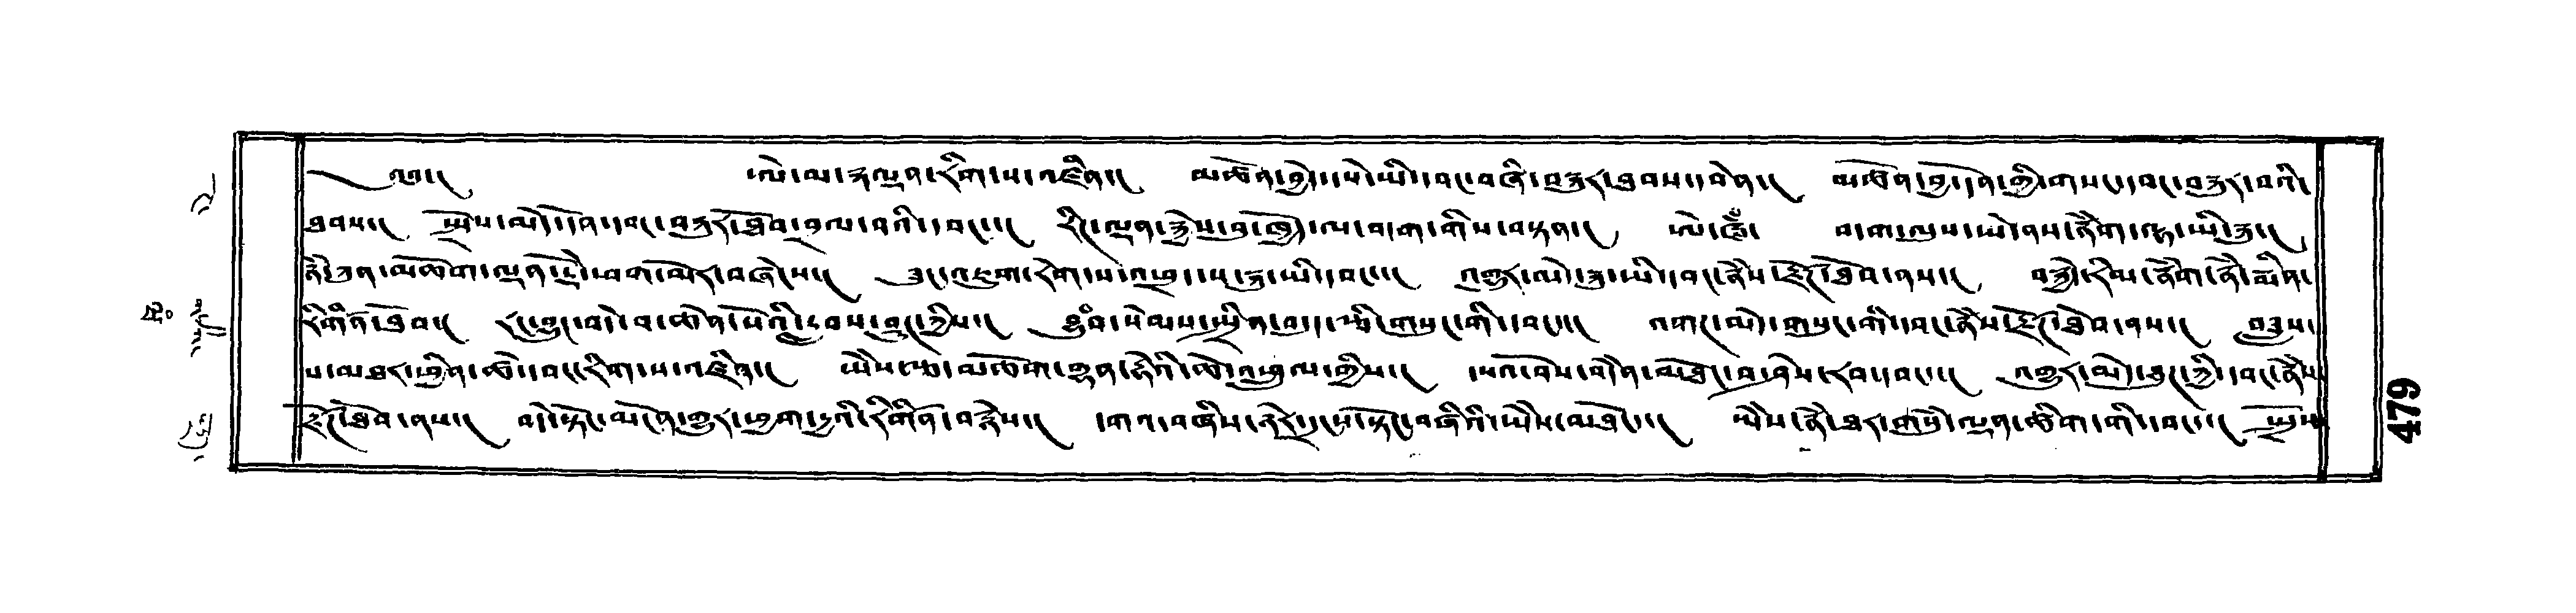ཨེ་མ་སྐལ་ལྡན་རིག་པ་འཛིན། །མཚོན་བྱེད་དཔེ་ཡི་དབང་བཞི་བསྐུར་ཐབས་དབེན། །མཚོན་བྱ་དོན་གྱི་གསང་དབང་བསྐུར་བའི་
ཐབས། །སྤྲོས་མེད་དོན་དབང་བསྐུར་ཐོབ་བྲལ་བའི་དབང་། །རིགས་ལྡན་སྐྱེས་བུ་ཁྱོད་ལ་བདག་གིས་བསྟན། ཨེ་ཝྃ། བདག་ལུས་ཡེ་ནས་རྣམ་དག་ལྷ་ཡི་སྐུ། །
རྣམ་ཀུན་མཆོག་ལྡན་རྡོ་རྗེ་ཕག་མོར་བཞེངས། །ཟུང་འཇུག་རེག་པ་འཕྲད་པ་སྐུ་ཡི་དབང་། །འགྱུར་མེད་སྐུ་ཡི་དབང་རྣམས་རྫོགས་ཐོབ་ནས། །བསྐྱེད་རིམ་རྣམ་དག་རྣམ་སྨིན་
རིག་འཛིན་ཐོབ། །རང་བྱུང་བདེ་བ་ཆེན་པོའི་རླབས་ཤུགས་ཀྱིས། །བྱང་ཆུབ་སེམས་སྤྲིན་བདུད་རྩི་གསུང་གི་དབང་། །འགགས་མེད་གསུང་གི་དབང་རྣམས་རྫོགས་ཐོབ་ནས། །བཟླས་
པ་མཐར་ཕྱིན་ཚེ་དབང་རིག་པ་འཛིན། །ཡེ་ཤེས་རྩ་མཆོག་གྷན་དྷེའི་ཆོ་འཕྲུལ་གྱིས། །དཔའ་བོས་བདེ་ཆེན་མཐོང་བ་ཤེས་རབ་དབང་། །འགྱུར་མེད་ཐུགས་ཀྱི་དབང་རྣམས་
རྫོགས་ཐོབ་ནས། །བདེ་སྟོང་མངོན་གྱུར་ཕྱག་རྒྱའི་རིག་འཛིན་བརྙེས། །དགའ་བཞིས་ཉེར་དྲངས་སྟོང་བཞིའི་ཡེ་ཤེས་མཐོང་། །ཡེ་ཤེས་རྣམ་ཐར་གསུམ་ལྡན་ཚིག་གི་དབང་། །སྤྲོས་